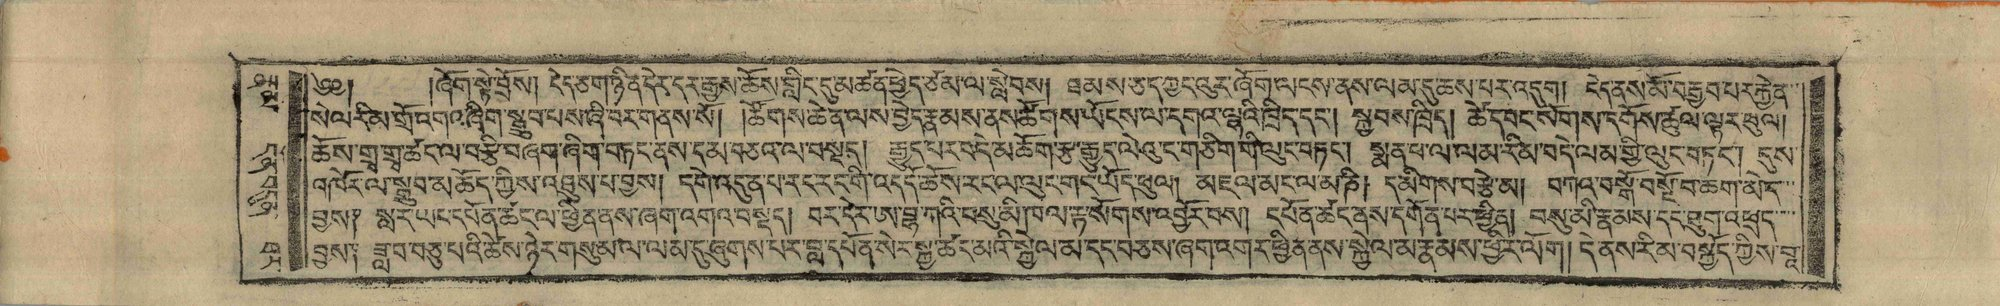༄༅། །ཞོག་སྟེ་བྲོས། ངེད་ཅག་ཉིན་དེར་དར་རྒྱས་ཆོས་གླིང་དུ་མཚན་ཕྱེད་ཙམ་ལ་སླེབས། ཐམས་ཅད་ཀྱང་འུར་ཞོག་ལངས་ནས་ལམ་དུ་ཆས་པར་འདུག །ངེད་ནས་མོ་བརྒྱབ་པར་རྐྱེན་
སེལ་རིམ་གྲོ་འགའ་ཞིག་སྒྲུབ་པས་ཞི་བར་གནས་སོ། །ཚོགས་ཆེན་ལས་བྱེད་རྣམས་ནས་ཚོགས་ཡོངས་ལ་དགའ་ལྷའི་ཁྲིད་དང་། སྐྱབས་ཁྲིད། ཚེ་དབང་སོགས་དགོས་ཚུལ་ལྟར་ཕུལ།
ཆོས་གྲྭ་གྲྭ་ཚང་ལ་བརྩི་བཞག་ཞིག་བཏང་ནས་དམ་བཅའ་ལ་བསྡད། རྒྱུད་པར་བདེ་མཆོག་རྩ་རྒྱུད་ལེའུ་ང་གཅིག་གི་ལུང་བཏང་། སྨན་པ་ལ་ལམ་རིམ་བདེ་ལམ་གྱི་ལུང་བཏང་། དུས་
འཁོར་ལ་སྒྲུབ་མཆོད་ཀྱིས་འཐུས་པ་བྱས། དགེ་འདུན་པ་རང་རང་གི་འདོད་ཆོས་རང་ལ་ལུང་གང་ཡོད་ཕུལ། མཇལ་མང་ལ་མ་ཎི། དམིགས་བརྩེ་མ། བཀའ་བསྒོ་བསྔོ་བ་ཆག་མེད་
བྱས༑ སླར་ཡང་དཔོན་ཚང་ལ་ཕྱིན་ནས་ཞག་འགའ་བསྡད། བར་དེར་ཨ་བྷ་ཀའི་བསུ་མི་ཁལ་རྟ་སོགས་འབྱོར་བས། དཔོན་ཚང་ནས་དགོན་པར་ཕྱིན། བསུ་མི་རྣམས་དང་ཐུག་འཕྲད་
བྱས༑ ཟླ་བ་བཅུ་པའི་ཚེས་ཉེར་གསུམ་ལ་ལམ་དུ་ཞུགས་པར་བླ་དཔོན་སེར་སྐྱ་ཚང་མའི་སྐྱེལ་མ་དང་བཅས་ཞག་འགར་ཕྱིན་ནས་སྐྱེལ་མ་རྣམས་ཕྱིར་ལོག །དེ་ནས་རིམ་བསྐྱོད་ཀྱིས་བཱ་